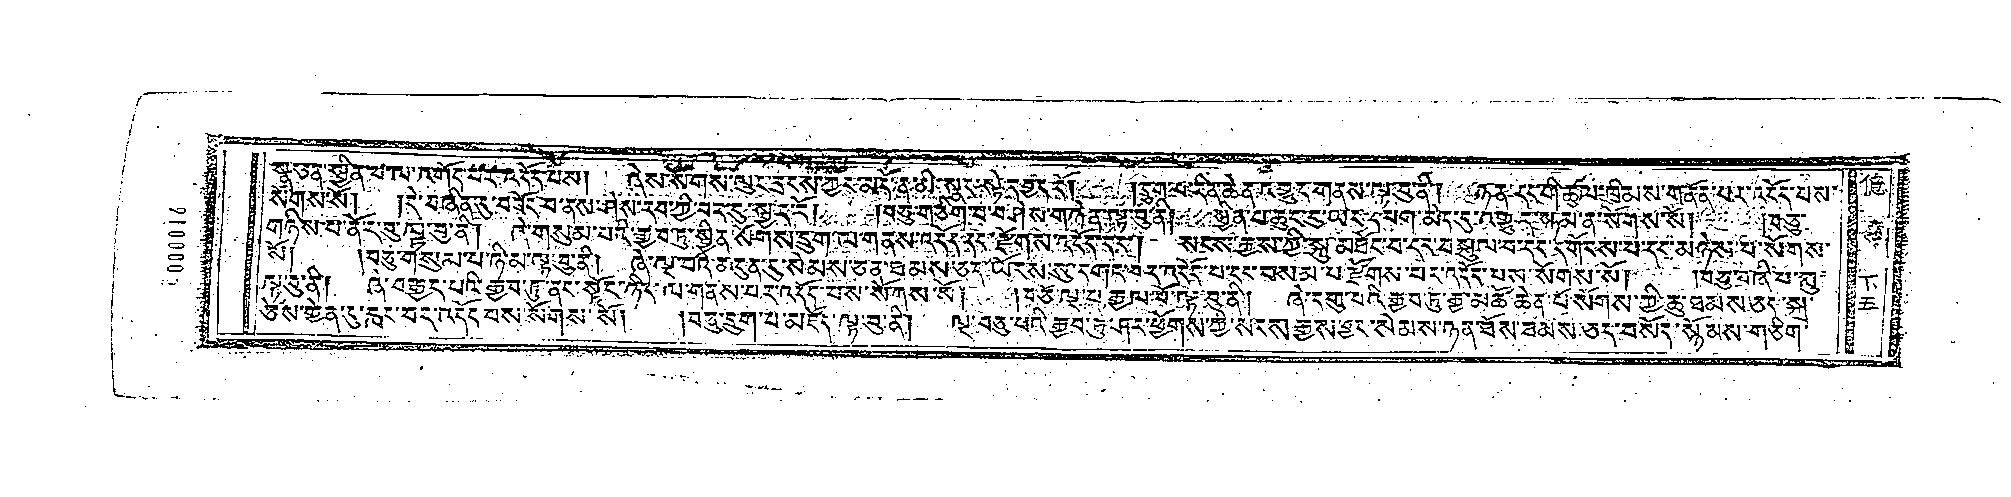སྣ་ཅན་སྦྱིན་པ་ལ་འགོད་པར་འདོད་པས། ཞེས་སོགས་ལུང་དྲངས་ཀྱང་མདོ་ན་མི་སྣང་སྟེ་དབྱད་དོ། །དྲུག་བ་རིན་ཆེན་འབྱུང་གནས་ལྟ་བུ་ནི། ཉན་རབ་གི་ཚུལ་ཁྲིམས་གནོད་པར་འདོད་པས་
སོགས་སོ། །དེ་བཞིན་དུ་བཟོད་པ་ནས་ཤེས་རབ་ཀྱི་བར་དུ་སྦྱར་རོ། །བཅུ་གཅིག་པ་བཤེས་གཉེན་ལྟ་བུ་ནི། སྦྱིན་པ་ཆུང་དུ་ཡང་དཔག་མེད་དུ་འགྱུར་སྙམ་ན་སོགས་སོ། །བཅུ་
གཉིས་པ་ནོར་བུ་ལྟ་བུ་ནི། ཞེ་གསུམ་པའི་རྒྱབ་ཏུ་སྦྱིན་སོགས་དྲུག་ལ་གནས་འདོད་དང་རྫོགས་འདོད་དང་། སངས་རྒྱས་ཀྱི་སྐུ་མཐོང་པ་དང་བསྐུལ་བ་དང་དགོངས་པ་དང་མཉེས་པ་སོགས་
སོ། །བཅུ་གསུམ་པ་ཉི་མ་ལྟ་བུ་ནི། ཞེ་ལྔ་པའི་མདུན་དུ་སེམས་ཅན་ཐམས་ཅད་ཡོངས་སུ་དགའ་བར་འདོད་པ་དང་བསམ་པ་རྫོགས་པར་འདོད་པས་སོགས་སོ། །བཅུ་བཞི་པ་ཀླུ་
ལྟ་བུ་ནི། ཞེ་བརྒྱད་པའི་རྒྱབ་ཏུ་སྣང་སྟོང་ཉིད་ལ་གནས་པར་འདོད་པས་སོགས་སོ། །བཅོ་ལྔ་པ་རྒྱལ་བོ་ལྟ་བུ་ནི། ཞེ་དགུ་བའི་རྒྱབ་ཏུ་རྒྱ་མཚོ་ཆེན་པོ་སོགས་ཀྱི་ཆུ་ཐམས་ཅད་སྐྲ་
ཅེས་གྱིན་དུ་བླང་བར་འདོད་བས་སོགས་སོ། །བཅུ་དྲུག་པ་མཛོད་ལྟ་བུ་ནི། ལྔ་བཅུ་པའི་རྒྱབ་ཏུ་ཤར་ཕྱོགས་ཀྱིས་སངས་རྒྱས་བྱང་སེམས་ཉམ་ཐོས་ཐམས་ཅད་བསོད་སྙོམས་གཅིག་